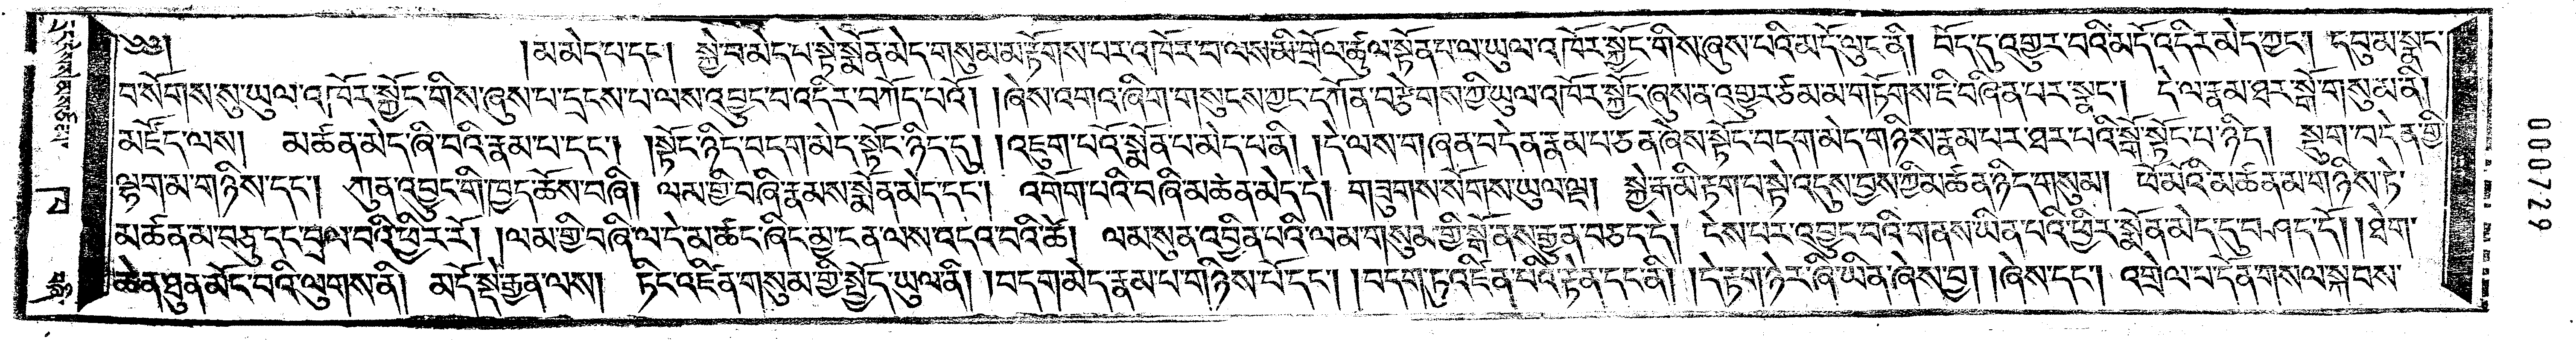༄༅། །མ་མེད་པ་དང་། སྐྱེ་བ་མེད་པ་སྟེ་སྨོན་མེད་གསུམ་མ་རྟོགས་པར་འཁོར་བ་ལས་མི་གྲོལ་ཚུལ་སྟོན་པ་ལ་ཡུལ་འཁོར་སྐྱོང་གིས་ཞུས་པའི་མདོ་ལུང་ནི། བོད་དུ་འགྱུར་བའི་མདོ་འདིར་མེད་ཀྱང་། དབུ་མ་སྣང་
བ་སོགས་སུ་ཡུལ་འཁོར་སྐྱོང་གིས་ཞུས་པ་དྲངས་པ་ལས་འབྱུང་བ་འདིར་བཀོད་པའོ། །ཞེས་འགའ་ཞིག་གསུངས་ཀྱང་དཀོན་བརྩེགས་ཀྱི་ཡུལ་འཁོར་སྐྱོང་ཞུས་ན་འགྱུར་ཙམ་མ་གཏོགས་ཇི་བཞིན་པར་སྣང་། དེ་ལ་རྣམ་ཐར་སྒོ་གསུམ་ནི།
མཛོད་ལས། མཚན་མེད་ཞི་བའི་རྣམ་པ་དང་། །སྟོང་ཉིད་བདག་མེད་སྟོང་ཉིད་དུ། །འཇུག་པའོ་སྨོན་པ་མེད་པ་ནི། །དེ་ལས་གཞན་བདེན་རྣམ་པ་ཅན་ཞེས་སྟོང་བདག་མེད་གཉིས་རྣམ་པར་ཐར་པའི་སྒོ་སྟོང་པ་ཉིད། སྡུག་བདེན་གྱི་
ལྷག་མ་གཉིས་དང་། ཀུན་འབྱུང་གི་ཁྱད་ཆོས་བཞི། ལམ་གྱི་བཞི་རྣམས་སྨོན་མེད་དང་། འགོག་པའི་བཞི་མཚན་མེད་དེ། གཟུགས་སོགས་ཡུལ་ལྔ། སྐྱེ་རྒ་མི་རྟག་པ་སྟེ་འདུས་བྱས་ཀྱི་མཚན་ཉིད་གསུམ། ཕོ་མོའི་མཚན་མ་གཉིས་ཏེ་
མཚན་མ་བཅུ་དང་བྲལ་བའི་ཕྱིར་རོ། །ལམ་གྱི་བཞི་ལ་དེ་མ་ཚང་ཞིང་མྱ་ངན་ལས་འདའ་བའི་ཚེ། ལམ་སུན་འབྱིན་པའི་ལམ་གསུམ་གྱི་སྒོ་ནས་རྒྱུན་བཅད་དེ། ངེས་པར་འབྱུང་བའི་གནས་ཡིན་པའི་ཕྱིར་སྨོན་མེད་དུ་བཤད་དོ། །ཐེག་
ཆེན་ཐུན་མོང་བའི་ལུགས་ནི། མདོ་སྡེ་རྒྱན་ལས། ཏིང་འཛིན་གསུམ་གྱི་སྤྱོད་ཡུལ་ནི། །བདག་མེད་རྣམ་པ་གཉིས་པོ་དང་། །བདག་ཏུ་འཛིན་པའི་རྟེན་དང་ནི། །དེ་རྟག་ཉེར་ཞི་ཡིན་ཞེས་བྱ། །ཞེས་དང་། འགྲེལ་པ་དོན་གསལ་སྐབས་